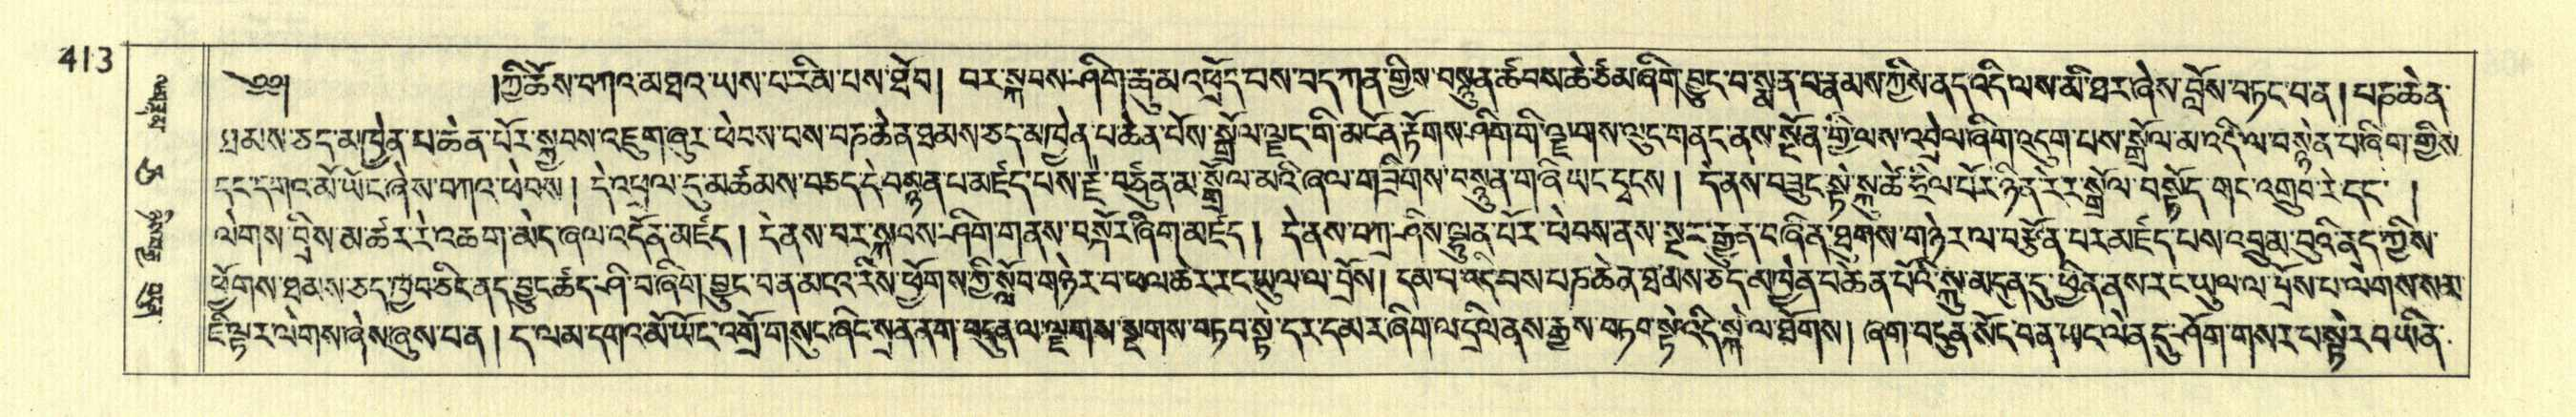༄༅། །ཀྱི་ཆོས་བཀའ་མཐའ་ཡས་པ་རིམ་པས་ཐོབ། བར་སྐབས་ཤིག་ཆུ་མ་འཕྲོད་བས་བད་ཀན་གྱིས་བསྙུན་ཚབས་ཆེ་ཙམ་ཞིག་བྱུང་བ་སྨན་བ་རྣམས་ཀྱིས་ནད་འདི་ལས་མི་ཐར་ཞེས་བློས་བཏང་བ་ན། པཎ་ཆེན་
ཐམས་ཅད་མཁྱེན་པ་ཆེན་པོར་སྐྱབས་འཇུག་ཞུར་ཕེབས་བས་བཎ་ཆེན་ཐམས་ཅད་མཁྱེན་པ་ཆེན་པོས་སྒྲོལ་ལྗང་གི་མངོན་རྟོགས་ཤིག་གི་ལྗགས་ལུང་གནང་ནས་སྔོན་གྱི་ལས་འབྲེལ་ཞིག་འདུག་པས་སྒྲོལ་མ་འདི་ལ་བསྙེན་པ་ཞིག་གྱིས་
དང་དགའ་མོ་ཡོང་ཞེས་བཀའ་ཕེབས། དེ་འཕྲལ་དུ་མཚམས་བཅད་དེ་བསྙན་པ་མཛད་པས་རྗེ་བཙུན་མ་སྒྲོལ་མའི་ཞལ་གཟིགས་བསྙུན་གཞི་ཡང་དྲངས། དེ་ནས་བཟུང་སྟེ་སྐུ་ཚེ་ཕྲིལ་པོར་ཉིན་རེར་སྒྲོལ་བསྟོད་གང་འགྲུབ་རེ་དང་།
ལེགས་བྲིས་མ་ཚར་རེ་འཆག་མེད་ཞལ་འདོན་མཛད། དེ་ནས་བར་སྐབས་ཤིག་གནས་བསྐོར་ཞིག་མཛད། དེ་ནས་བཀྲ་ཤིས་ལྷུན་པོར་ཕེབས་ནས་སྔར་རྒྱུན་བཞིན་ཐུགས་གཉེར་ལ་བརྩོན་པར་མཛད་པས་འབྲུམ་བུའི་ནད་ཀྱིས་
ཕྱོགས་ཐམས་ཅད་ཁྱབ་ཅིང་ནད་བྱུང་ཚད་ཤི་བ་ཞིག་བྱུང་བ་ན་མངའ་རིས་ཕྱོགས་ཀྱི་སློབ་གཉེར་བ་ཕལ་ཆེར་རང་ཡུལ་ལ་བྲོས། དམ་པ་འདིབས་པཎ་ཆེན་ཐམས་ཅད་མཁྱེན་པ་ཆེན་པོའི་སྐུ་མདུན་དུ་ཕྱིན་ནས་རང་ཡུལ་ལ་པྲོས་པ་ལེགས་སམ་
ཇི་ལྟར་ལེགས་ཞེས་ཞུས་པ་ན། ད་ལམ་དགའ་མོ་ཡོང་འགྲོ་གསུང་ཞིང་སྲན་ནག་བདུན་ལ་ལྗགས་སྔགས་བཏབ་སྟེ་དར་དམར་ཞིག་ལ་དྲིལ་ནས་རྒྱས་བཏབ་སྟེ་འདི་སྐེ་ལ་ཐོགས། ཞག་བདུན་སོང་བན་ཡང་ལེན་དུ་ཤོག་གསར་པ་སྟེར་བ་ཡིན་